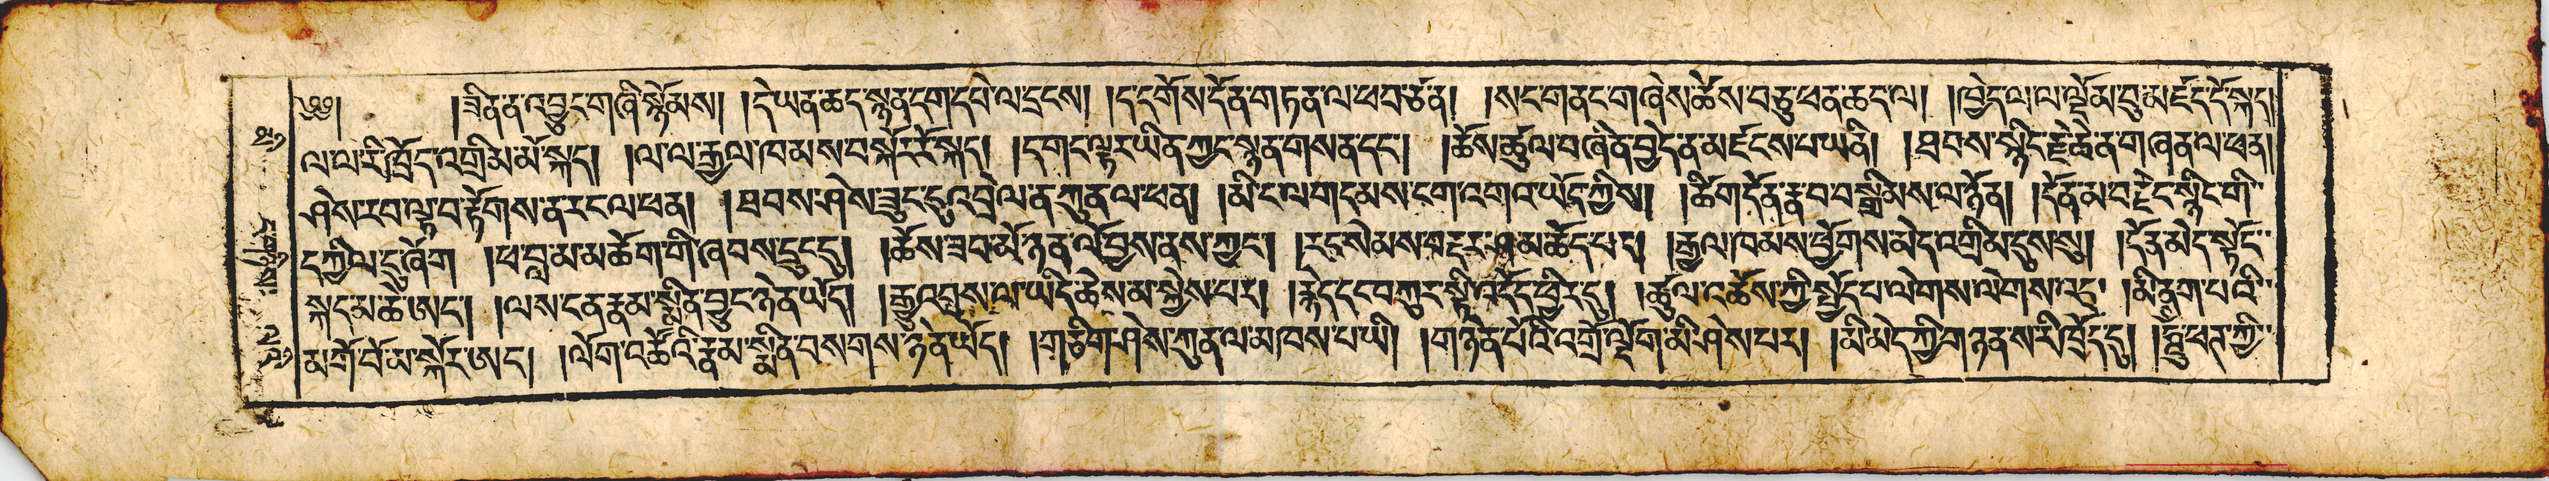ཟིན་ན་འབྱུང་གཞི་སྙོམས། །དེ་ཡན་ཆད་སྙན་ངག་དཔེ་ལ་དྲངས། །ད་དགོས་དོན་གཏན་ལ་ཕབ་ཙ་ན། །སང་གནང་གཞེས་ཚེས་བཅུ་ཕན་ཆད་ལ། །ཁྱེད་ལ་ལ་ལྡོམ་བུ་མཛད་དོ་སྐད། །
ལ་ལ་རི་ཁྲོད་འགྲིམ་མོ་སྐད། །ལ་ལ་རྒྱལ་ཁམས་བསྐོར་རོ་སྐད། །ད་གང་ལྟར་ཡིན་ཀྱང་སྙན་གསན་དང་། །ཆོས་ཚུལ་བཞིན་བྱེད་ན་མཛངས་པ་འཡིན། །ཐབས་སྙིང་རྗེ་ཆེ་ན་གཞན་ལ་ཕན། །
ཤེས་རབ་ལྟ་བ་རྟོགས་ན་རང་ལ་ཕན། །ཐབས་ཤེས་ཟུང་དུ་འབྲེལ་ན་ཀུན་ལ་ཕན། །མི་ང་ལ་གདམས་ངག་འགའ་ཡོད་ཀྱིས། །ཚིག་དོན་རྣ་བ་བསྒྲིམས་ལ་ཉོན། །དོན་མ་བརྗེད་སྙིང་གི་
དཀྱིལ་དུ་ཞོག །ཕ་བླ་མ་མཆོག་གི་ཞབས་དྲུང་དུ། །ཆོས་ཟབ་མོ་ཉན་ལ་བྱས་ནས་ཀྱང་། །རང་སེམས་བརྡར་ཤ་མ་ཆོད་པ། །རྒྱལ་ཁམས་ཕྱོགས་མེད་འགྲིམ་དུས་སུ། །དོན་མེད་སྟོང་
སྐད་མ་ཆེ་ཨང་། །ལས་ངན་རྣམ་སྨིན་བྱུང་ཉེན་ཡོད། །རྒྱུ་འབྲས་ལ་ཡིད་ཆེས་མ་སྐྱེས་པར། །རྙེད་དང་བཀུར་སྟི་འདོད་ཕྱིར་དུ། །ཚུལ་འཆོས་ཀྱི་སྤྱོད་པ་ལེགས་ལེགས་འདྲ། །མི་ནག་པའི་
མགོ་བོ་མ་སྐོར་ཨང། །ལོག་འཚོའི་རྣམ་སྨིན་བསགས་ཉེན་ཡོད། །གཅིག་ཤེས་ཀུན་ལ་མཁས་པ་ཡི། །གཉེན་པོའི་འགྲོ་ལྡོག་མི་ཤེས་པར། །མི་མེད་ཀྱི་གཉན་ས་རི་ཁྲོད་དུ། །ཧཱུཾ་ཕཊ་ཀྱི་